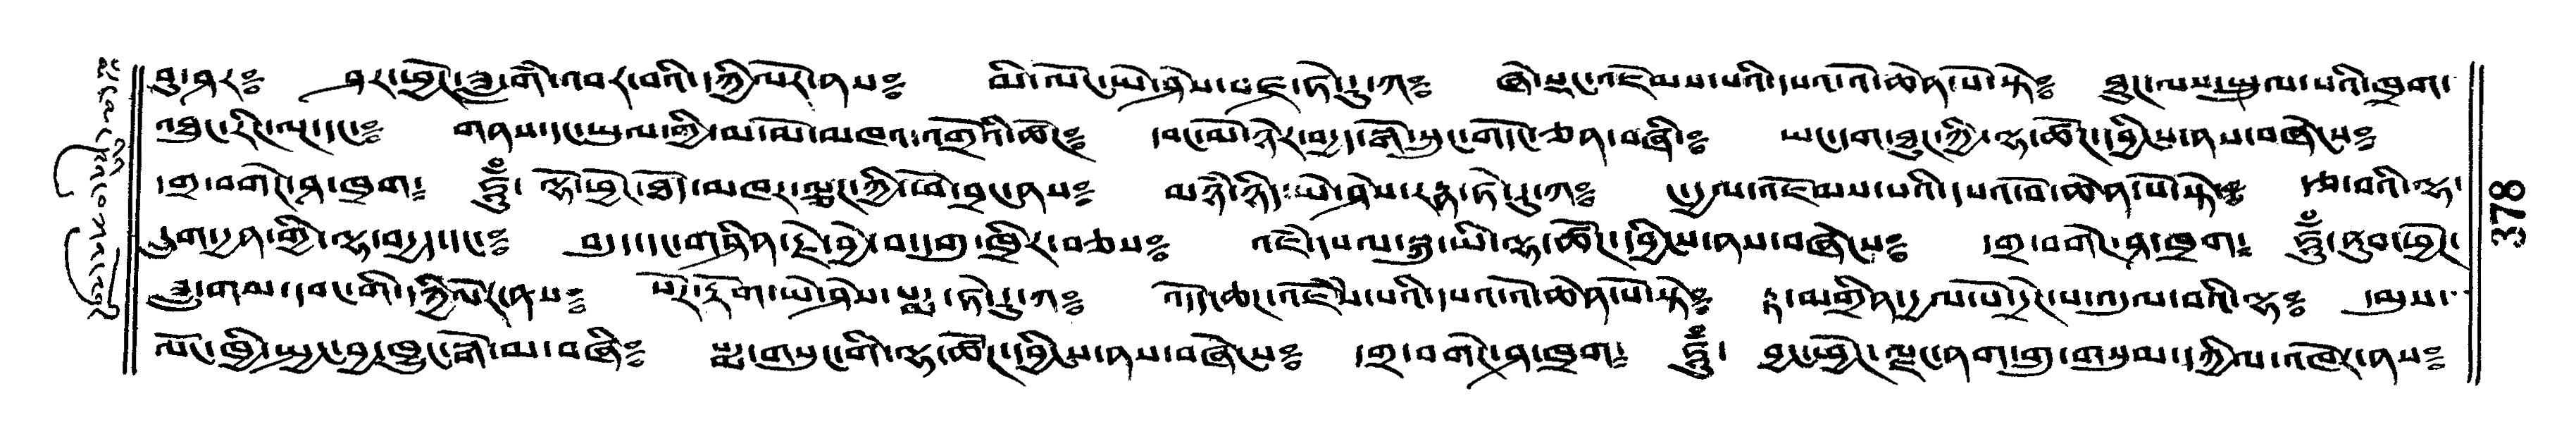བུར་ཤར༔ ཤར་ཕྱོགས་ཟླ་གམ་འབར་བའི་དཀྱིལ་འཁོར་ནས༔ མེ་ལོང་ཡེ་ཤེས་བཛྲ་ཧེ་རུ་ཀ༔ ཞེ་སྡང་འཇོམས་པའི་དཔའ་བོ་ཆེན་པོ་སྟེ༔ ཐུགས་ལས་སྤྲུལ་པའི་ཁྲག་
འཐུང་རིགས་ལྔ་དང༔ གནས་དང་ཡུལ་གྱི་མ་མོ་མཁའ་འགྲོའི་ཚོགས༔ དབང་མོ་ཉེར་བརྒྱད་སྒོ་སྲུང་གདོང་ཅན་བཞི༔ ཡང་དག་ཐུགས་ཀྱི་ལྷ་ཚོགས་དབྱིངས་ནས་བཞེངས༔ 
དགྲ་བགེགས་ཤ་ཁྲག༴ ཧཱུྃ༔ ལྷོ་ཕྱོགས་ཐོད་མཁར་ལྕགས་ཀྱི་ཕོ་བྲང་ནས༔ མཉམ་ཉིད་ཡེ་ཤེས་རཏྣ་ཧེ་རུ་ཀ༔ ང་རྒྱལ་འཇོམས་པའི་དཔའ་བོ་ཆེན་པོ་སྟེ༔ རྩ་བའི་ལྷ་
དྲུག་རྒྱན་གྱི་ལྷ་བརྒྱད་དང༔ བདུད་དང་གཤིན་རྗེ་བྱེ་བ་དགུ་ཁྲི་བཅས༔ འཇམ་དཔལ་སྐུ་ཡི་ལྷ་ཚོགས་དབྱིངས་ནས་བཞེངས༔ དགྲ་བགེགས་ཤ་ཁྲག༴ ཧཱུྃ༔ནུབ་ཕྱོགས་
ཟླ་གམ་དབང་གི་དཀྱིལ་འཁོར་ནས༔ སོར་རྟོགས་ཡེ་ཤེས་པདྨ་ཧེ་རུ་ཀ༔ འདོད་ཆགས་འཇོམས་པའི་དཔའ་བོ་ཆེན་པོ་སྟེ༔ རྟ་མགྲིན་རྒྱལ་པོ་དྲེགས་པ་འདུལ་བའི་ལྷ༔ དམུས་
ལོང་ཁྱི་སྤྱང་བྱ་ཁྱུང་སྒོ་མ་བཞི༔ པདྨ་གསུང་གི་ལྷ་ཚོགས་དབྱིངས་ནས་བཞེངས༔ དགྲ་བགེགས་ཤ་ཁྲག༴ ཧཱུྃ༔ བྱང་ཕྱོགས་ལྗང་ནག་གྲུ་གསུམ་དཀྱིལ་འཁོར་ནས༔